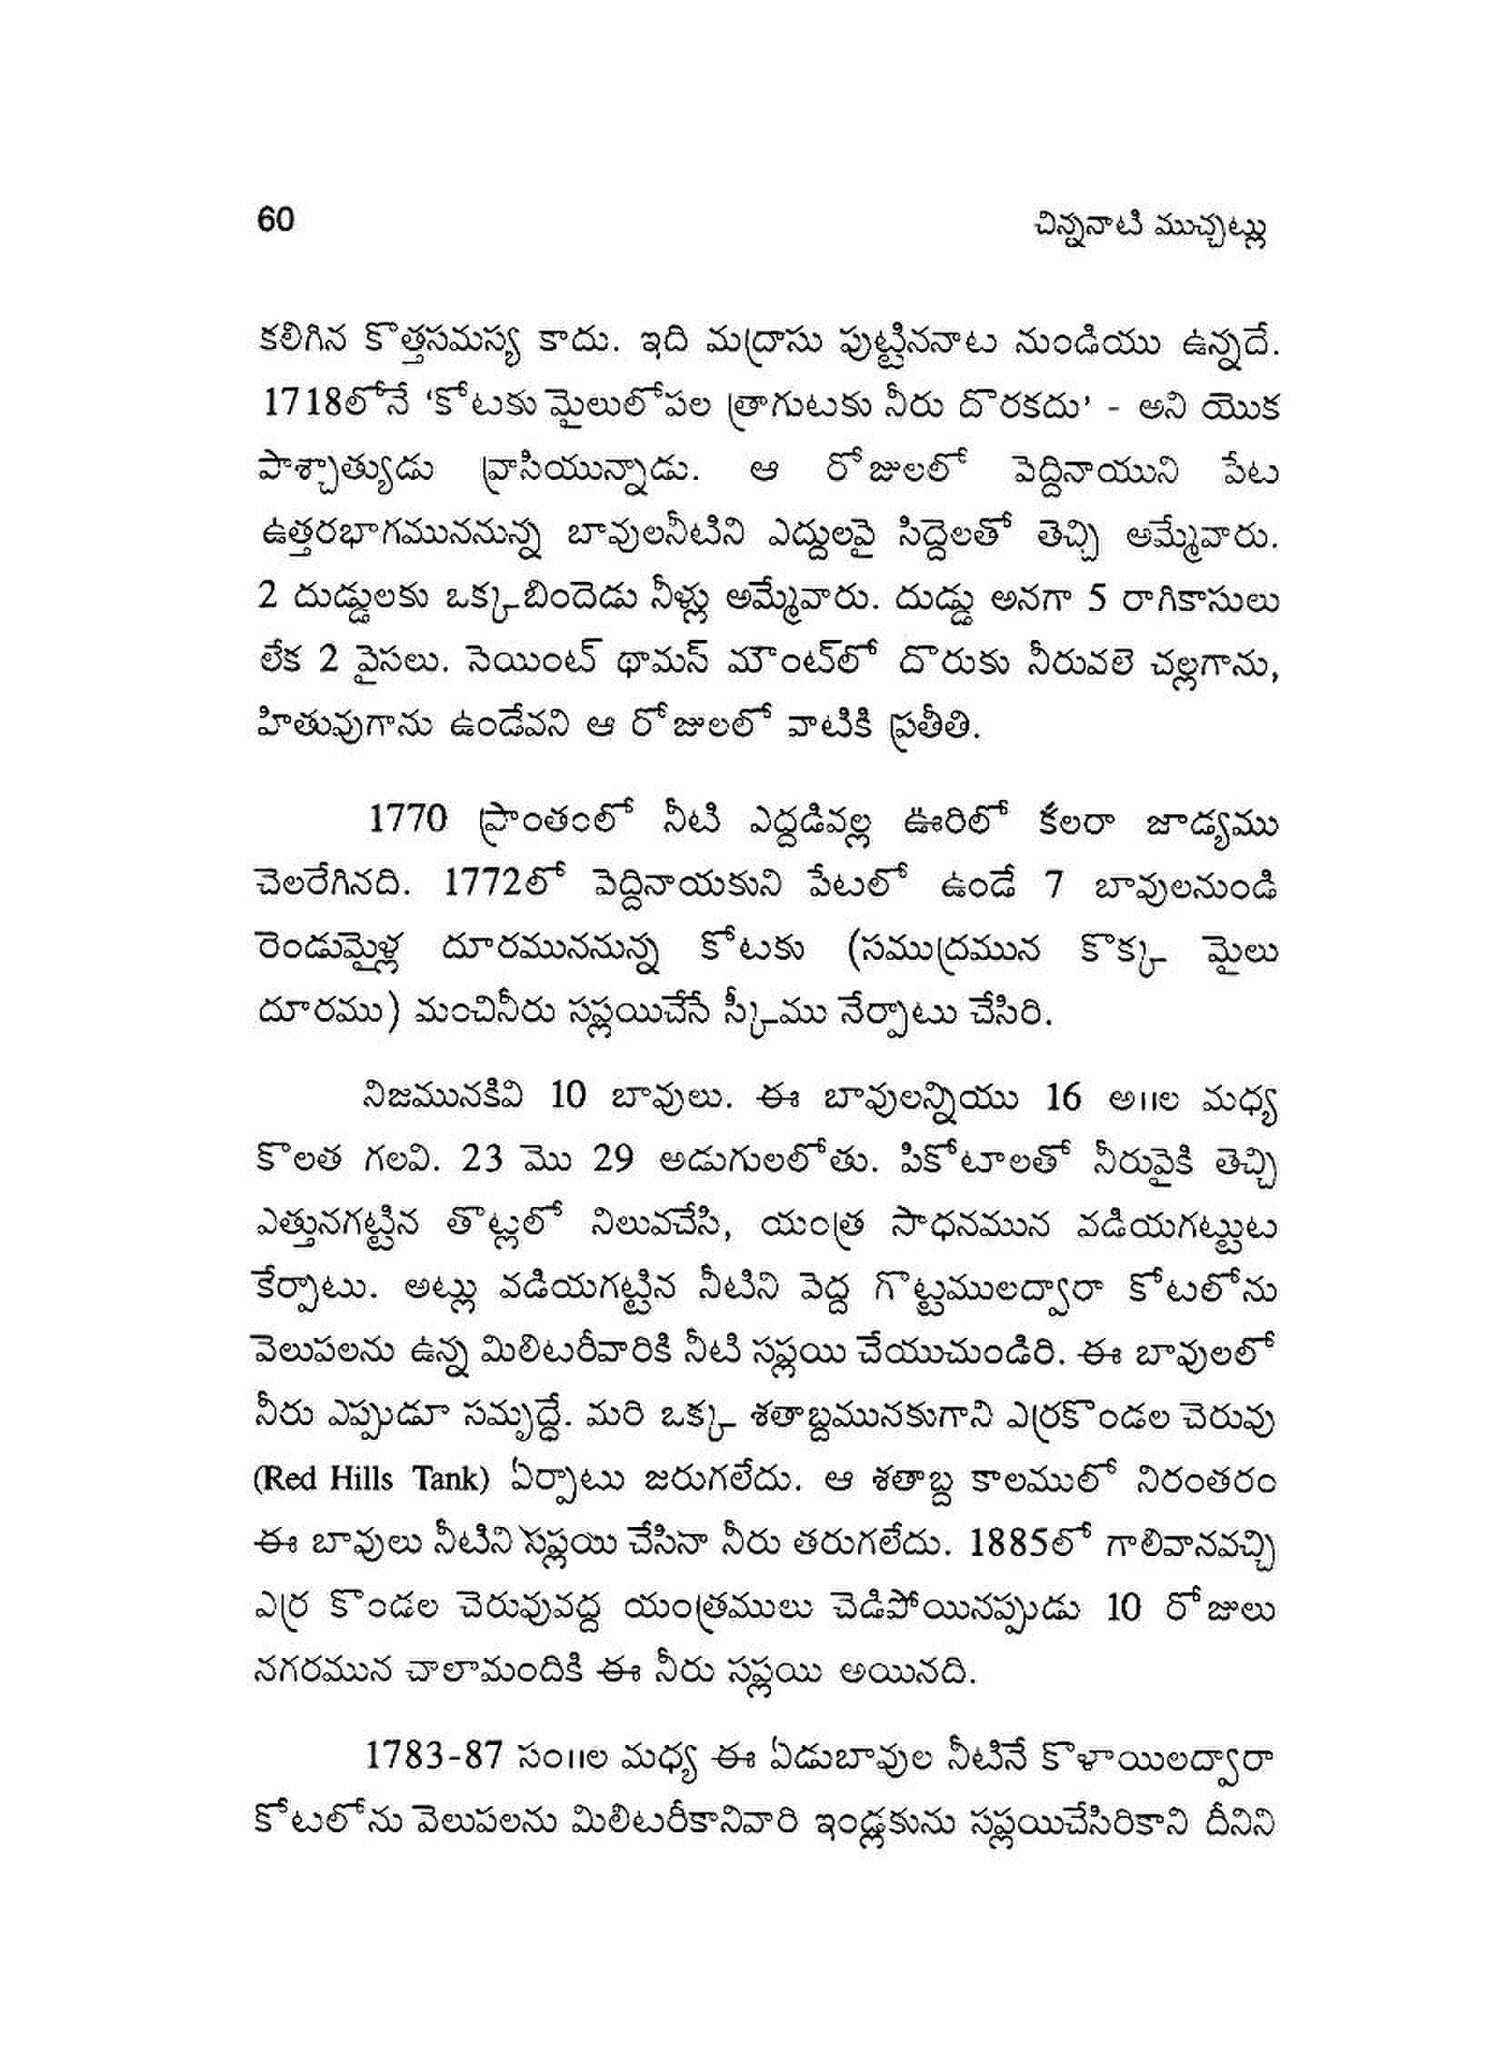కలిగిన కొత్తసమస్య కాదు. ఇది మద్రాసు పుట్టిననాట నుండియు ఉన్నదే. 1718లోనే 'కోటకు మైలులోపల త్రాగుటకు నీరు దొరకదు' - అని యొక పాశ్చాత్యుడు వ్రాసియున్నాడు. ఆ రోజులలో పెద్దినాయుని పేట ఉత్తరభాగముననున్న బావులనీటిని ఎద్దులపై సిద్దెలతో తెచ్చి అమ్మేవారు. 2 దుడ్డులకు ఒక్కబిందెడు నీళ్లు అమ్మేవారు. దుడ్డు అనగా 5 రాగికాసులు లేక 2పైసలు. సెయింట్ థామస్ మౌంట్లో దొరుకు నీరువలె చల్లగాను, హితువుగాను ఉండేవని ఆ రోజులలో వాటికి ప్రతీతి.

1770 ప్రాంతంలో నీటి ఎద్దడివల్ల ఊరిలో కలరా జాడ్యము చెలరేగినది. 1772లో పెద్దినాయకుని పేటలో ఉండే 7 బావులనుండి రెండుమైళ్ల దూరముననున్న కోటకు (సముద్రమున కొక్క మైలు దూరము) మంచినీరు సప్లయిచేసే స్కీము నేర్పాటు చేసిరి.

నిజమునకివి 10 బావులు. ఈ బావులన్నియు 16 అ||ల మధ్య కొలత గలవి. 23 మొు 29 అడుగులలోతు. పికోటాలతో నీరుపైకి తెచ్చి ఎత్తునగట్టిన తొట్టలో నిలువచేసి, యంత్ర సాధనమున వడియగట్టుట కేర్పాటు. అట్టు వడియగట్టిన నీటిని పెద్ద గొట్టములద్వారా కోటలోను వెలుపలను ఉన్న మిలిటరీవారికి నీటి సప్లయి చేయుచుండిరి. ఈ బావులలో నీరు ఎప్పడూ సమృద్దే. మరి ఒక్క శతాబ్దమునకుగాని ఎర్రకొండలచెరువు (Red Hills Tank) ఏర్పాటు జరుగలేదు. ఆ శతాబ్ద కాలములో నిరంతరం ఈ బావులు నీటిని సప్లయి చేసినా నీరు తరుగలేదు. 1885లో గాలివానవచ్చి ఎర్ర కొండల చెరువు వద్ద యంత్రములు చెడిపోయినప్పుడు 10 రోజులు నగరమున చాలామందికి ఈ నీరు సప్లయి అయినది.

1783-87 సం||ల మధ్య ఈ ఏడుబావుల నీటినే కొళాయిలద్వారా కోటలోను వెలుపలను మిలిటరీకానివారి ఇండ్లకును సప్లయిచేసిరికాని దీనిని